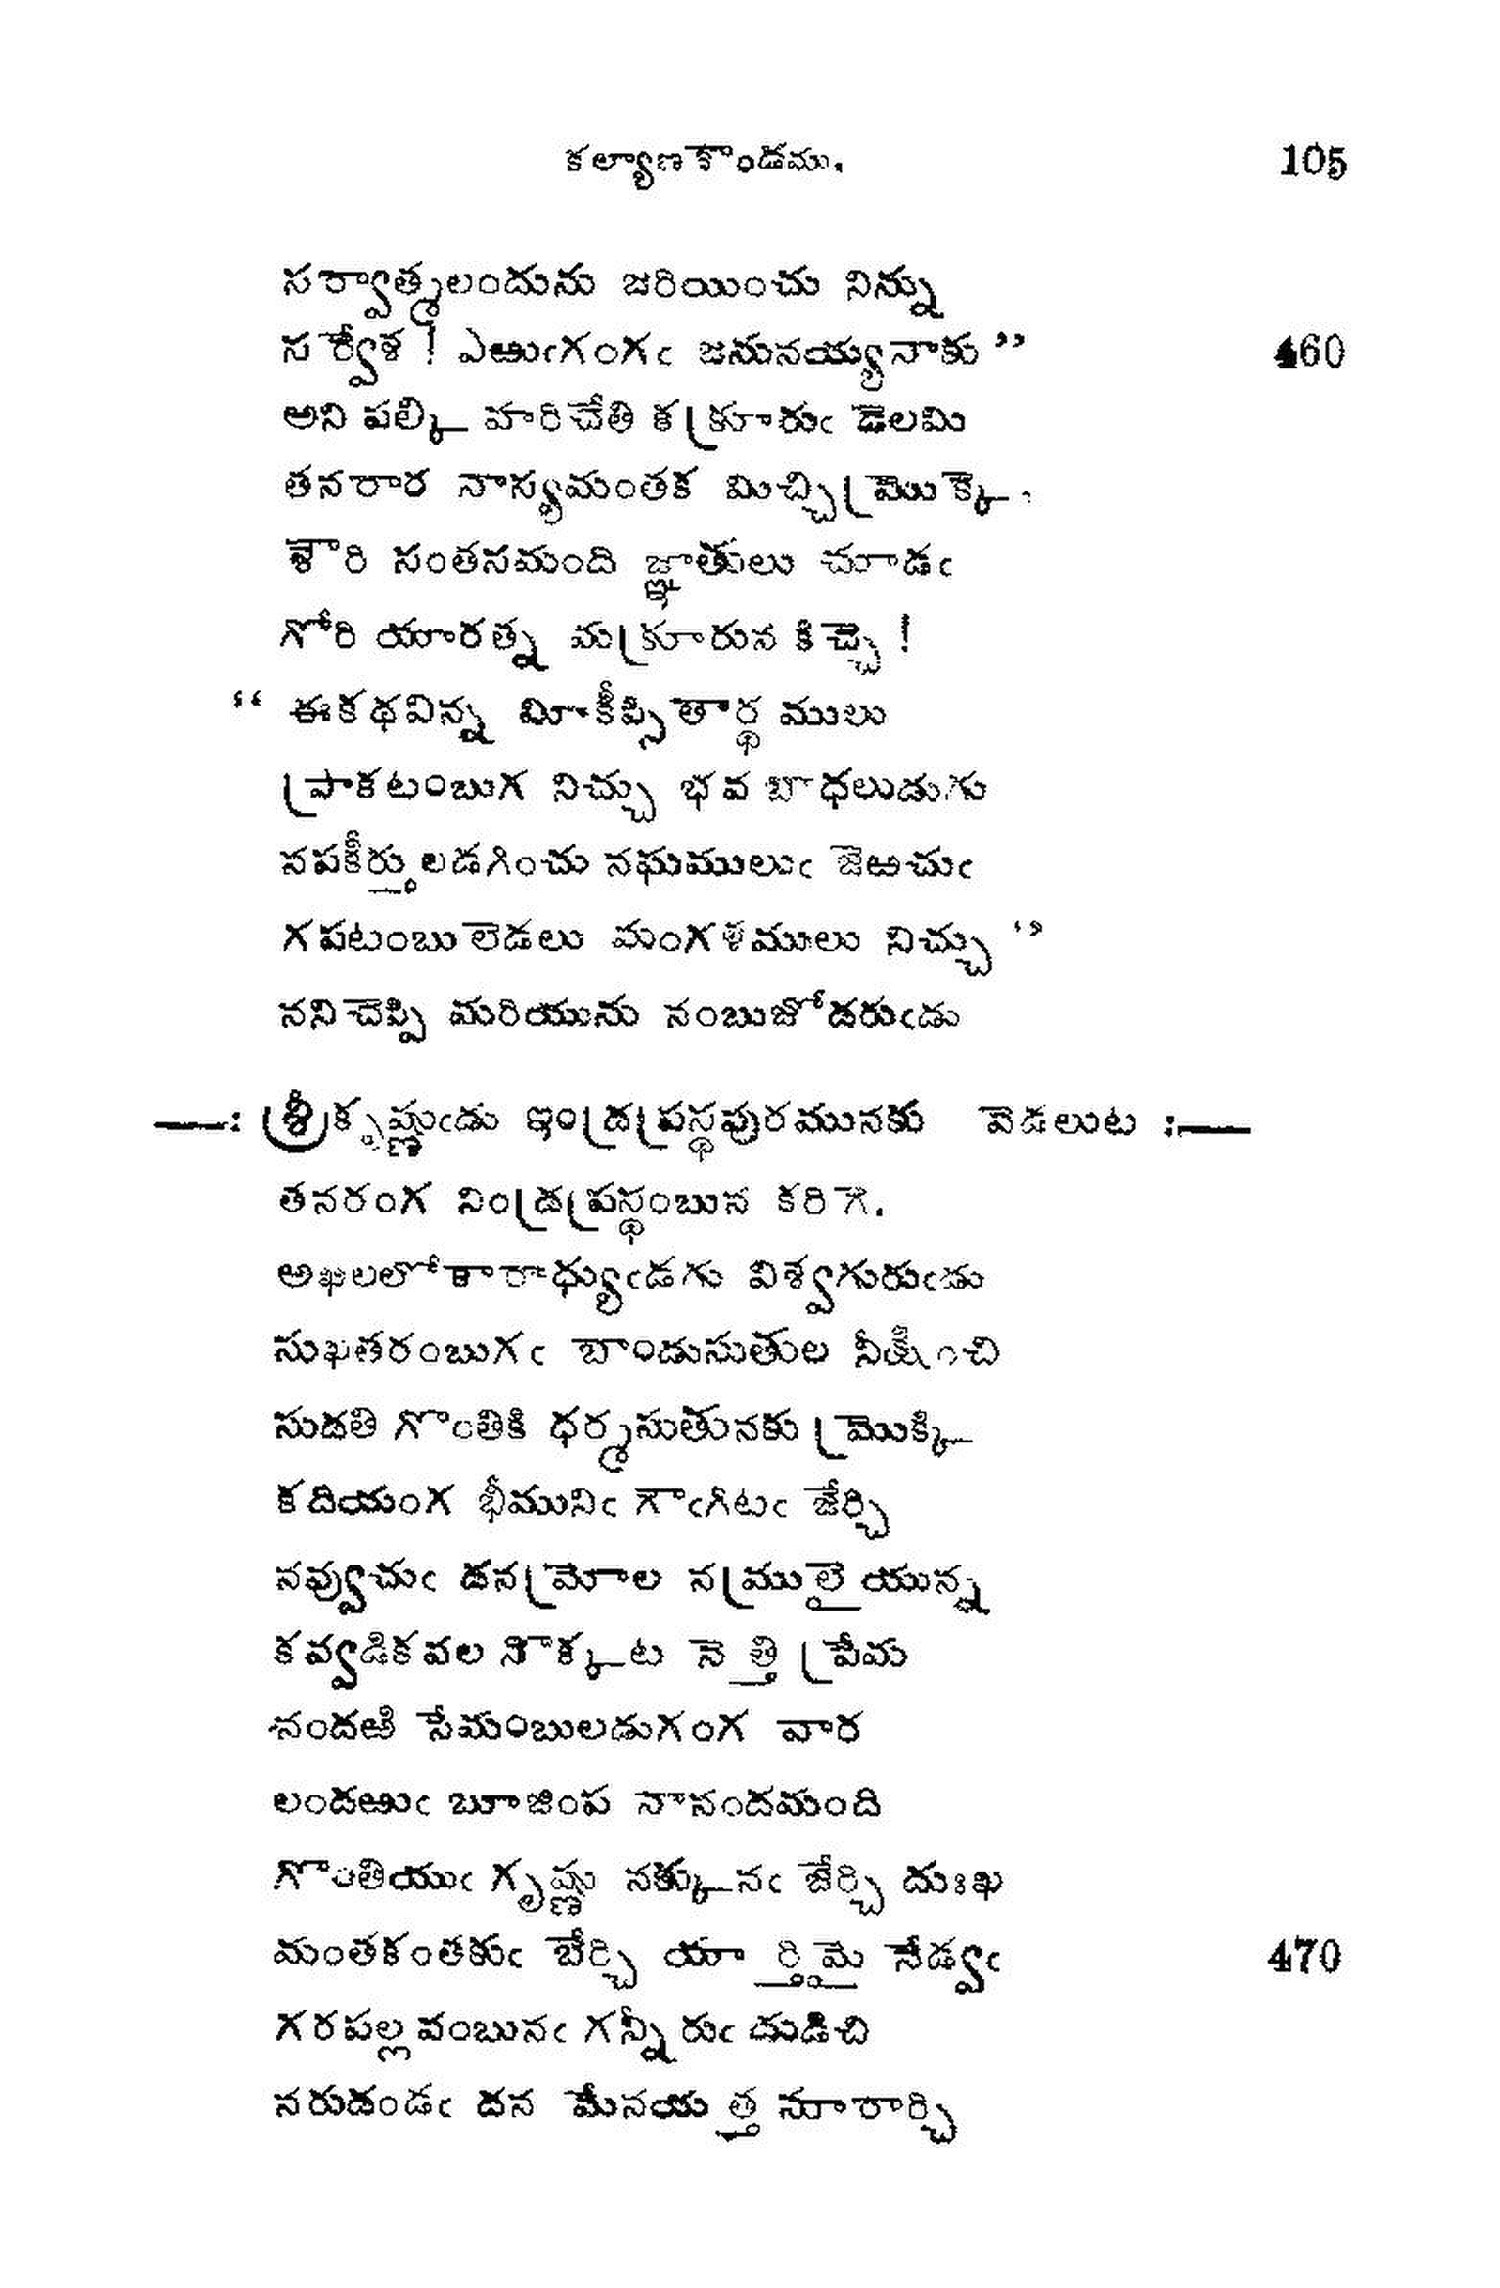సర్వాత్మలందును జరియించు నిన్ను
సర్వేశ! ఎఱుఁగంగఁ జనునయ్య నాకు”
అని పల్కి హరిచేతి కక్రూరుఁ డెలమి
తనరార నాస్యమంతక మిచ్చి మ్రొక్కె
శౌరి సంతసమంది జ్ఞాతులు చూడఁ
గోరి యారత్న మక్రూరున కిచ్చె!
ఈ కథవిన్న మీ కీప్సితార్థములు
ప్రాకటంబుగ నిచ్చు భవబాధ లుడుగు
నపకీర్తు లడగించు నఘములుఁ జెఱచుఁ
గపటంబు లెడలు మంగళములు నిచ్చు"
నని చెప్పి మరియును నంబుజోదరుఁడు

తనరంగ నింద్రప్రస్థంబున కరిగె.
అఖలలోకారాధ్యుఁడగు విశ్వగురుఁడు
సుఖతరంబుగఁ బాండుసుతుల నీక్షించి
సుదతి గొంతికి ధర్మసుతునకు మ్రొక్కి,
కదియంగ భీమునిఁ గౌఁగిటఁ జేర్చి
నవ్వుచుఁ దనమ్రోల నమ్రులై యున్న
కవ్వడికవల నొక్కట నెత్తి ప్రేమ
నందఱి సేమంబు లడుగంగ వార
లందఱుఁ బూజింప నానందమంది
గొంతియుఁ గృష్ణు నక్కునఁ జేర్చి దుఃఖ
మంతకంతకుఁ బేర్చి యార్తిమై నేడ్వఁ
గరపల్లవంబునఁ గన్నీరుఁ దుడిచి
నరుదండఁ దన మేనయత్త నూరార్చి